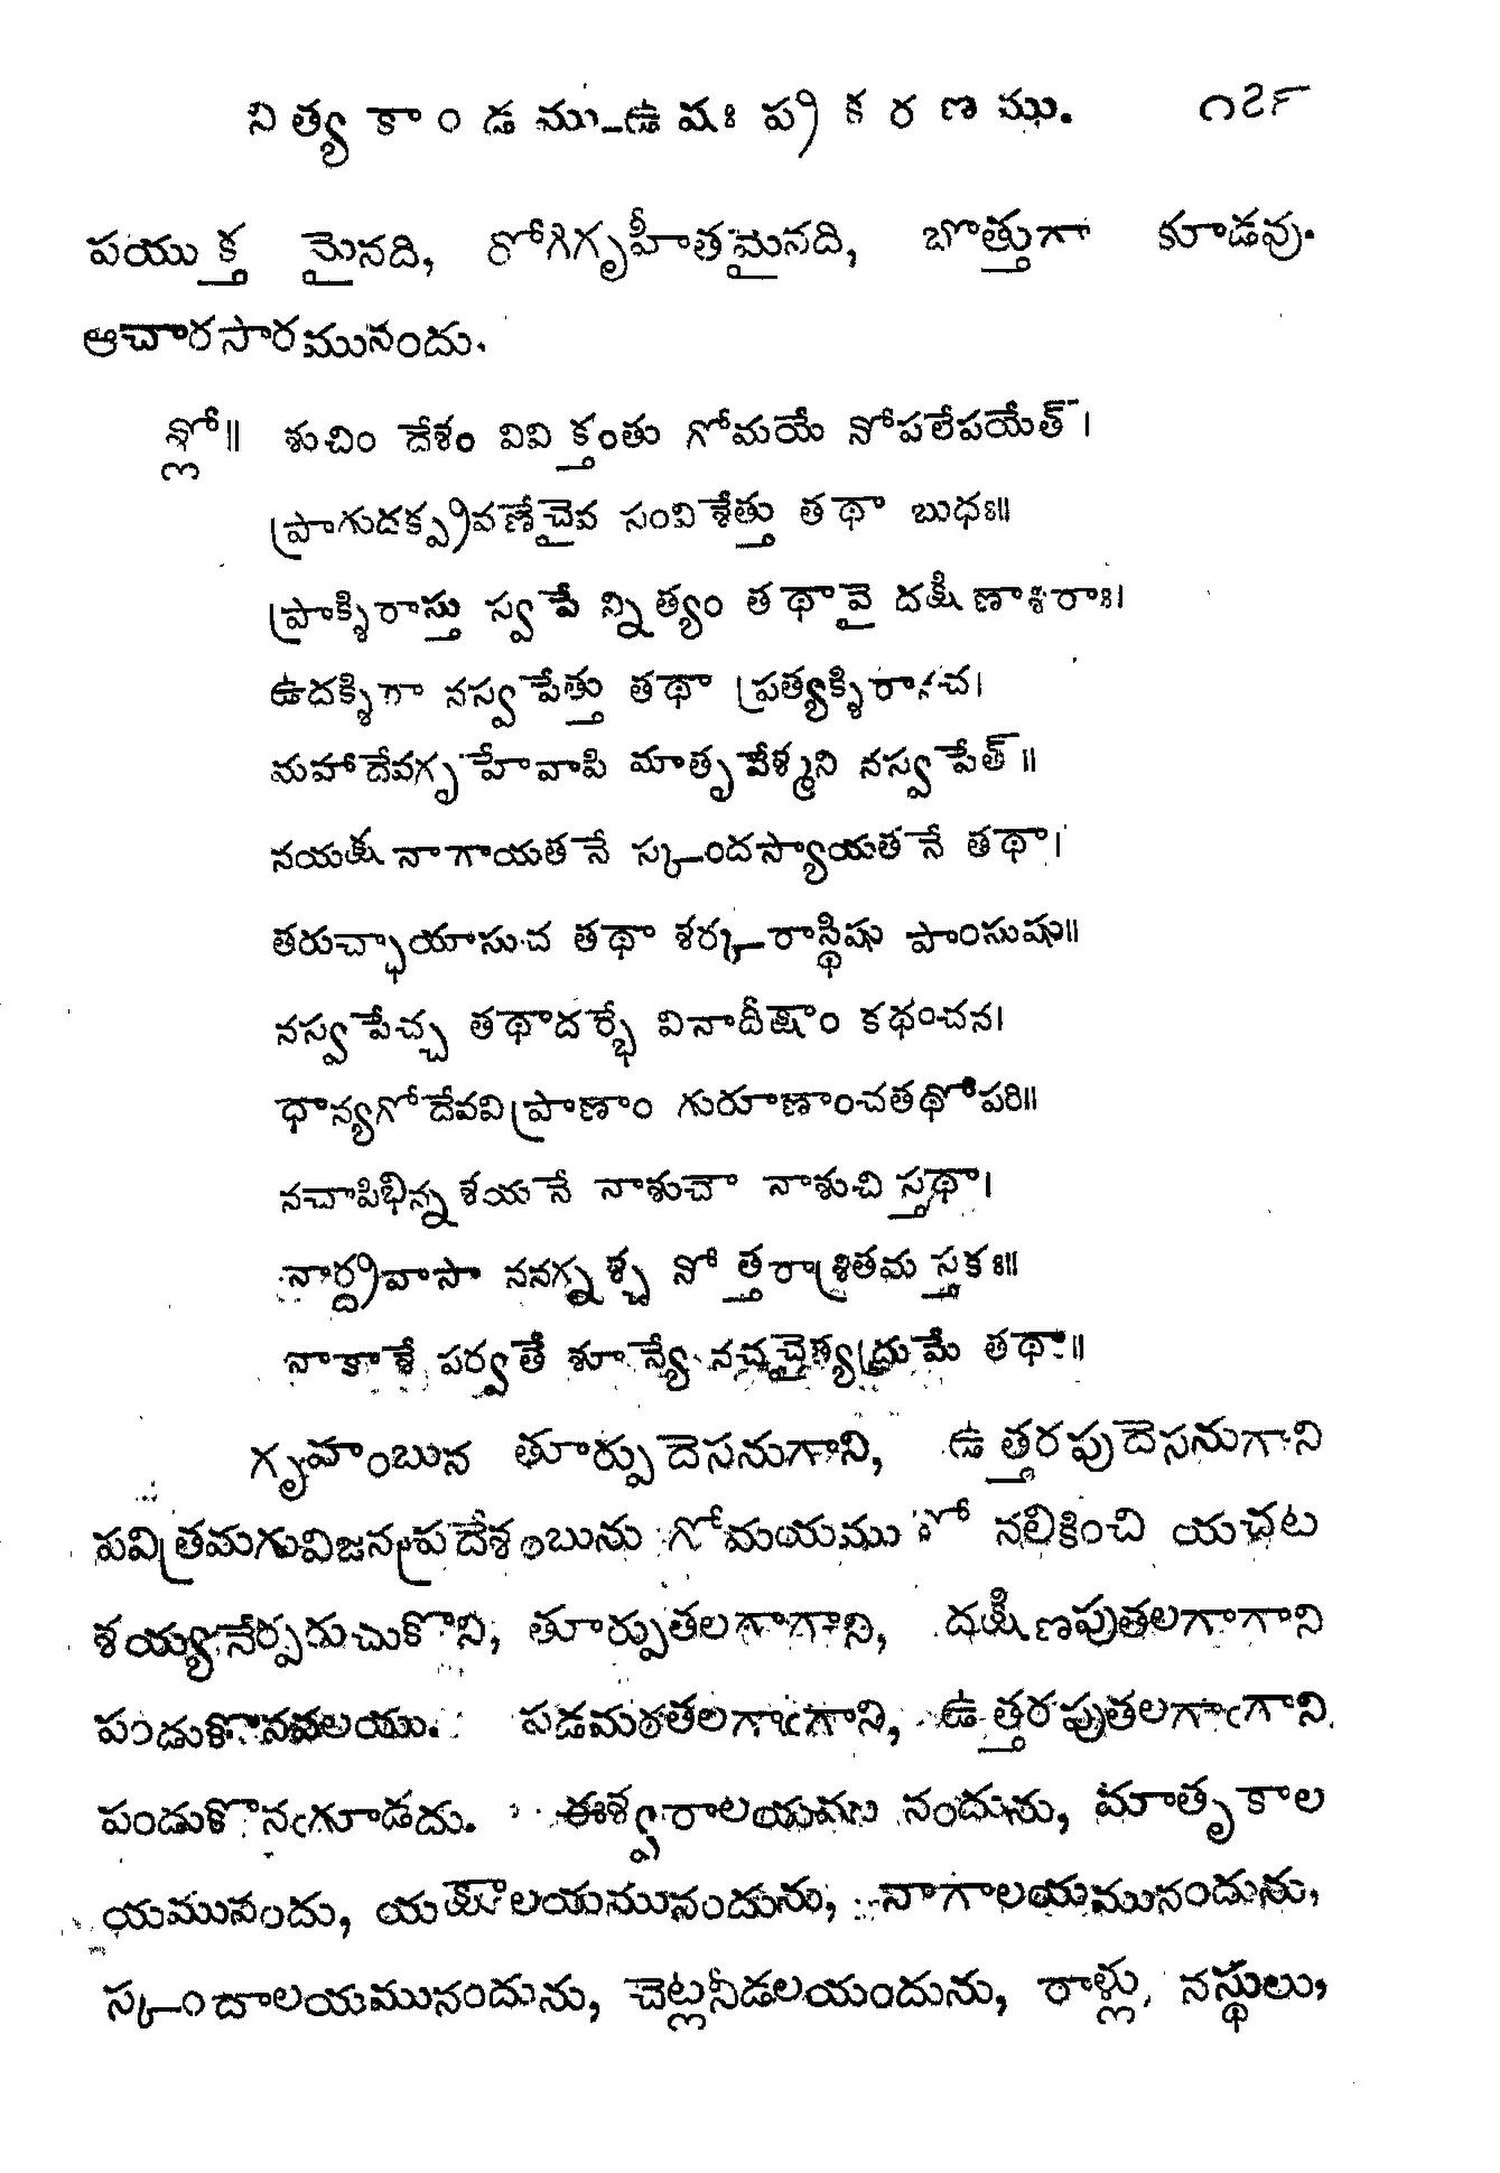పయుక్త మైనది, రోగిగృహీతమైనది, బొత్తుగా కూడవు. ఆచారసారమునందు.

శ్లో॥ శుచిం దేశం వివిక్తంతు గోమయే నోపలేపయేత్।
 ప్రాగుదక్ప్రవణేచైవ సంవిశేత్తు తథా బుధః॥

 ప్రాక్శిరాస్తు స్వపే న్నిత్యం తథావై దక్షిణాశిరాః।
 ఉదక్శిరా నస్వ పేత్తు తథా ప్రత్యక్శిరానచ।
 మహాదేవగృహేవాపి మాతృవేశ్మని నస్వపేత్॥

 నయక్ష నాగాయతనే స్కందస్యాయతనే తథా।
 తరుచ్ఛాయాసుచ తథా శర్కరాస్థిషు పాంసుషు॥

 నస్వపేచ్చ తథాదర్భే వినాదీక్షాం కథంచన!
 ధాన్యగోదేవవిప్రాణాం గురూణాంచతథోపరి॥

 నచాపిభిన్నశయనే నాశుచౌ నాశుచిస్తథా।
 నార్ద్రవాసా ననగ్నశ్చ నోత్తరాశ్రితమస్తకః॥
 నాకాశే పర్వతే శూన్యే నచచైత్యద్రుమే తథా॥

గృహంబున తూర్పుదెసనుగాని, ఉత్తరపుదెసనుగాని పవిత్రమగువిజనప్రదేశంబును గోమయముతో నలికించి యచట శయ్యనేర్పరుచుకొని, తూర్పుతలగాగాని, దక్షిణపుతలగాగాని పండుకొనవలయు. పడమరతలగాఁగాని, ఉత్తరపుతలగాఁగాని పండుకొనఁగూడదు. ఈశ్వరాలయము నందును, మాతృకాలయమునందు, యక్షాలయమునందును, నాగాలయమునందును, స్కందాలయమునందును, చెట్లనీడలయందును, రాళ్లు, నస్థులు,